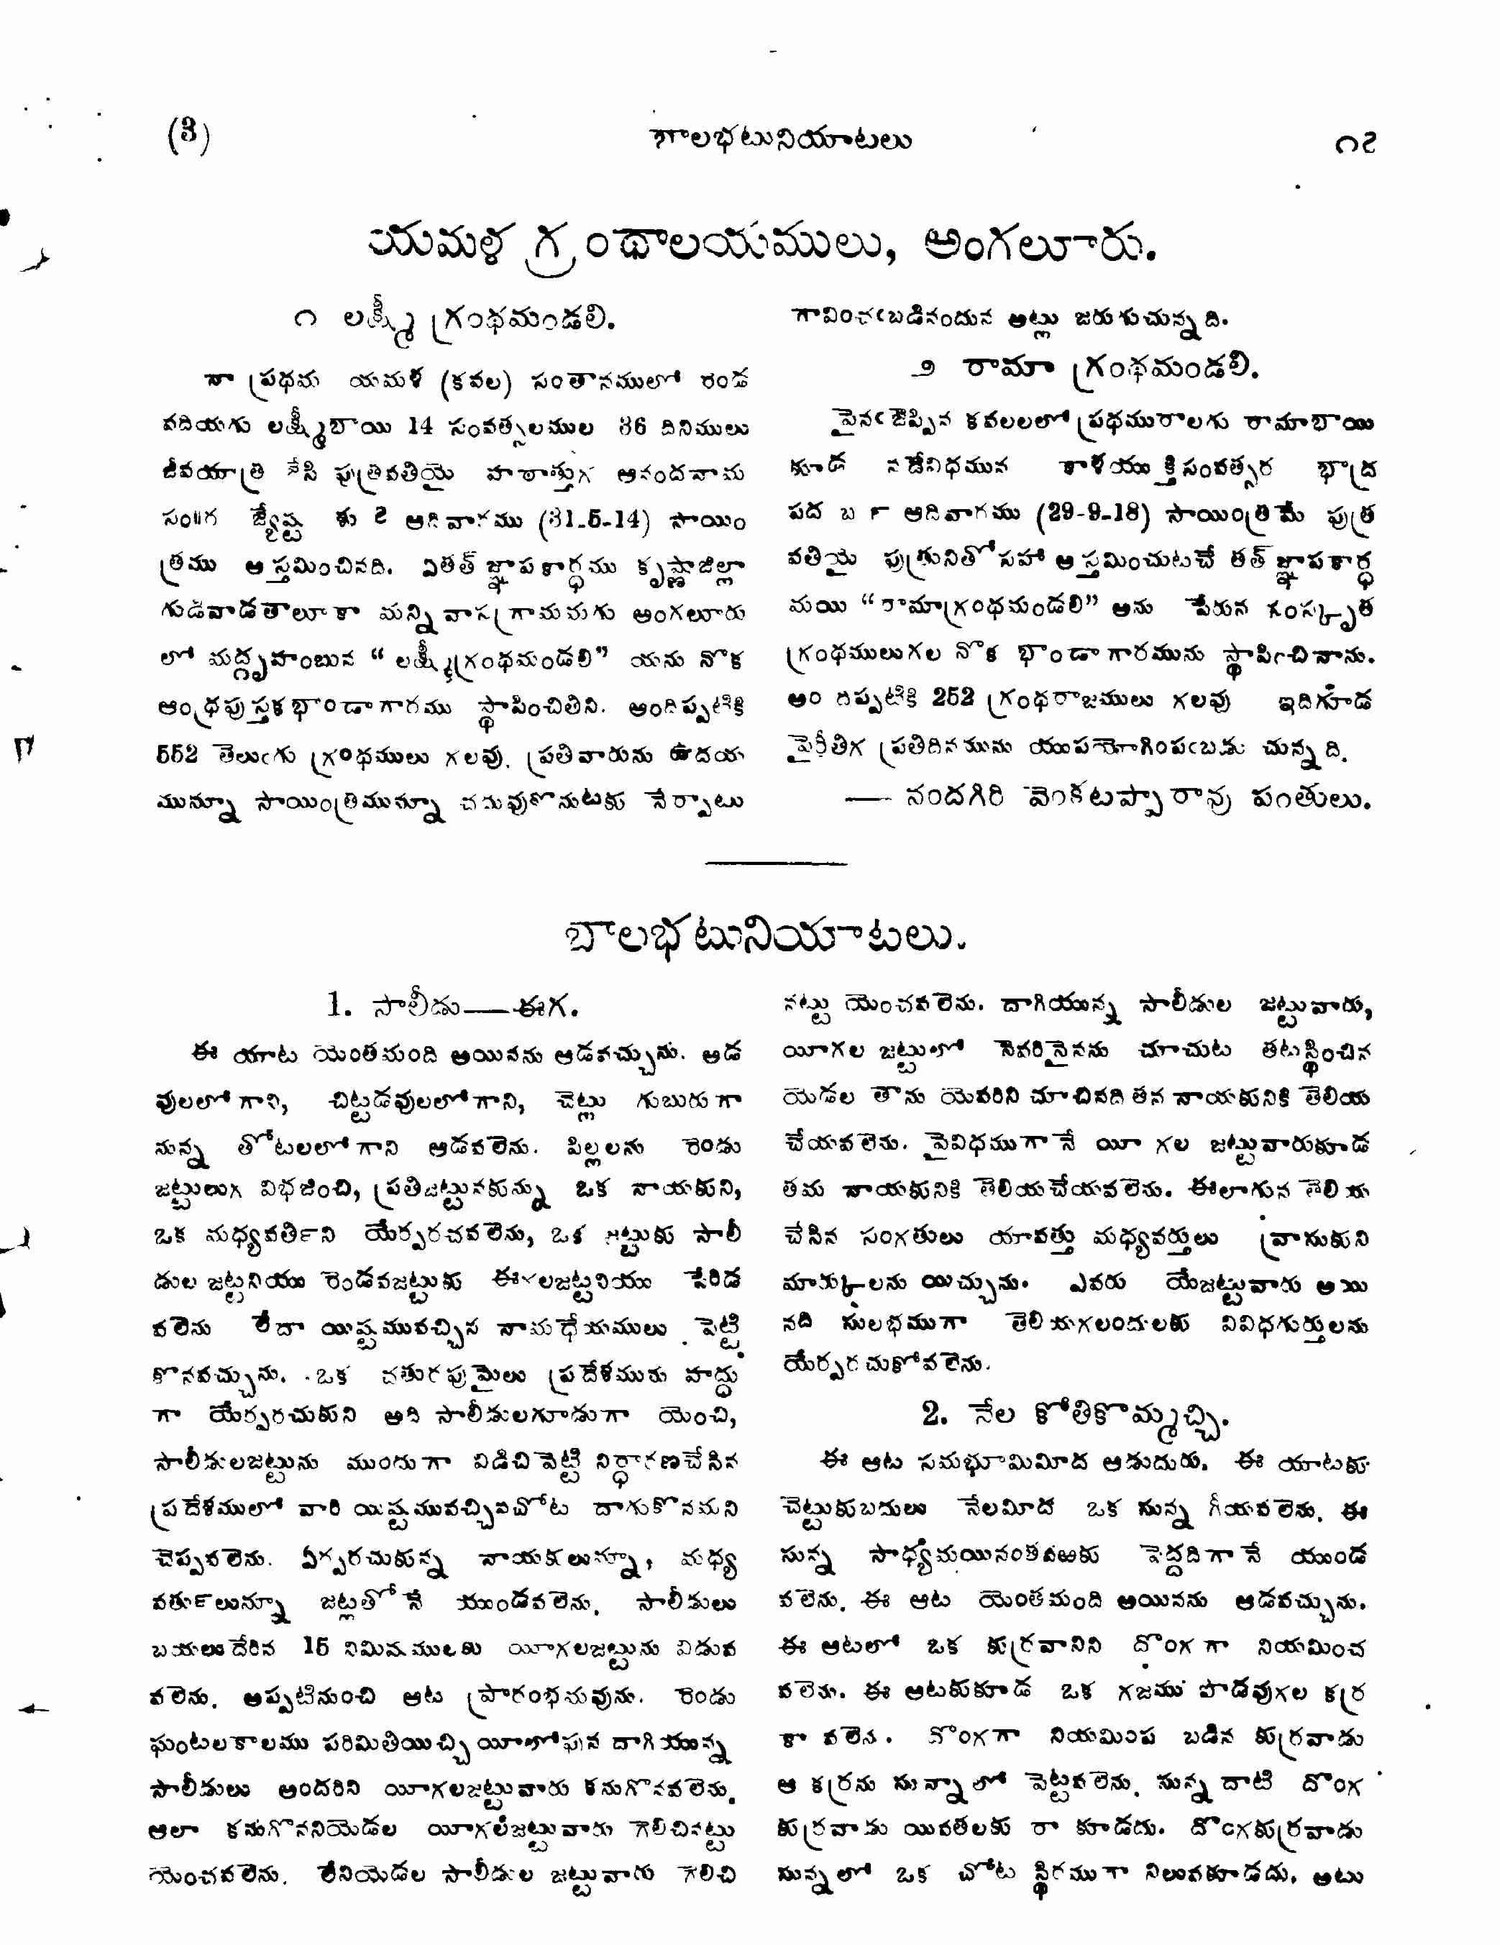ప్రధమ యమళ (కవల) సంతానములో రెండవదియగు లక్ష్మీబాయి 14 సంవత్సలముల 36 దినిములు జీవయాత్రి నేసి పుత్రివతియై హఠాత్తుగా ఆనందనామ సం॥గ జ్యేష్ట ౭ ఆదివారము (31-5-14) సాయంత్రము ఆస్తమించినది. ఎతత్ 
జ్ఞాపకార్ధము కృష్ణాజిల్లా గుడివాడతాలూకా మన్నివాసగ్రామమగు అంగలూరులో మద్గృహంబున "లక్ష్మీ గ్రంథమండలి" యను నొక ఆంధ్రపుస్తక భాండాగారము స్థాపించితిని. అందిప్పటికి 552 తెలుఁగు గ్రంథములు గలవు. ప్రతివారును ఉదయమున్నూ సాయింత్రమున్నూ చదువుకొనుటకు నేర్పాటు గావించఁబడినందున అట్లు జరుగుచున్నది.

పైనఁ జెప్పిన కవలలలో ప్రధమురాలగు రామాబాయి కూడా నదేవిధమున కాళయుక్తి సంవత్సర భాద్రపద బ౯ ఆదివారము (29-9-18) సాయింత్రమే పుత్రవతియై పుత్రునితో సహాఆస్తమించుటచే తత్ జ్ఞాపకార్ధమయి “రామా గ్రంథమండలి” అను పేరున సంస్కృత గ్రంథములుగల నొక భాండాగారమును స్థాపించినాను. అందప్పటికి 252 గ్రంథరాజములు గలవు. ఇదిగూడ పైరీతిగ ప్రతిదినమును యుపయోగింపఁబడు చున్నది.

 
ఈ యాట యెంతమంది అయినను ఆడవచ్చును. అడవులలో గాని, చిట్టడవులలో గాని, చెట్లు గుబురుగా నున్న తోటలలో గాని ఆడవలెను. పిల్లలను రెండు జట్టులు, విభజించి, ప్రతి జట్టునకున్ను ఒక నాయకుని, ఒక మధ్యవతి౯ని యేర్పరచవలెను, ఒక జట్టుకు సాలీడుల జట్టనియు రెండవజట్టుకు ఈగలజట్టనియు పేరిడవలెను లేదా యిష్టమువచ్చిన నామధేయములు పెట్టికొనవచ్చును. ఒక చతురపుమైలు ప్రదేశమురు హద్దుగా యేర్పరచుకుని అది సాలీకులగూడుగా యెంచి, సాలీనులజట్టును ముందుగా విడిచి పెట్టి నిర్ధారణ చేసిన ప్రదేశములో వారి యిష్టమువచ్చినిచోట దాగుకొనమని చెప్పవలెను. ఏర్పరచుకున్న నాయకులున్నూ, మధ్యవర్తులున్నూ జట్లతోనే యుండవలెను. సాలీకులు బయలుదేరిన 15 నిమిషములకు యీగలజట్టును విడువవలెను. అప్పటినుంచి ఆట ప్రారంభనువును. రెండుఘంటల కాలము పరిమితియిచ్చి యీలోపున దాగి యున్న సాలీడులు అందరిని యీగల జట్టువారు కనుగొనవలెను. కనుగొననియెడల యీగలి జట్టు వారు గెలిచినట్టు యెంచవలెను. లేనియెడల సాలీడుల జట్టువారు గెలిచి నట్టు యెంచవలెను. దాగియున్న సాలీడుల జట్టు వారు, యీగల జట్టులో నెవరినైనను చూచుట తటస్థించినయెను యెవరిని చూచినది తన నాయకునికి తెలియచేయవలెను. వైవిధముగానే యీ గల జట్టువారు కూడ తమ నాయకునికి తెలియచేయవలెను. ఈలాగున తెలియచేసిన సంగతులు యావత్తు మధ్యవర్తులు వ్రాసుకుని మార్కులను యిచ్చును. ఎవరు యేజట్టువారు అయినది సులభముగా తెలియగలందులకు వివిధగుర్తులను యేర్పరచుకోవలెను.

ఈ ఆట సమభూమిమీద ఆడుదురు. ఈ యాటకు చెట్టుకు బదులు నేలమీద ఒక నున్న గీయవలెను. ఈసున్న సాధ్యమయినంక వఱకు పెద్దదిగానే యుండవలెను. ఈ ఆట యెంతమంది అయినను ఆడవచ్చును. ఈ ఆటలో ఒక కుర్రవానిని దొంగగా నియమించ వలెను. ఈ ఆటకు కూడ ఒక గజము పొడవుగల కర్ర కావలెను. దొంగగా నియమింపబడిన కుర్రవాడు ఆ కర్రను సున్నాలో పెట్టవలెను. సున్న దాటి దొంగ కుర్రవాడు యివతలకు రాకూడదు. దొంగ కుర్రవాడు నున్నలో ఒక స్థిరముగా నిలువకూడదు. ఆటు